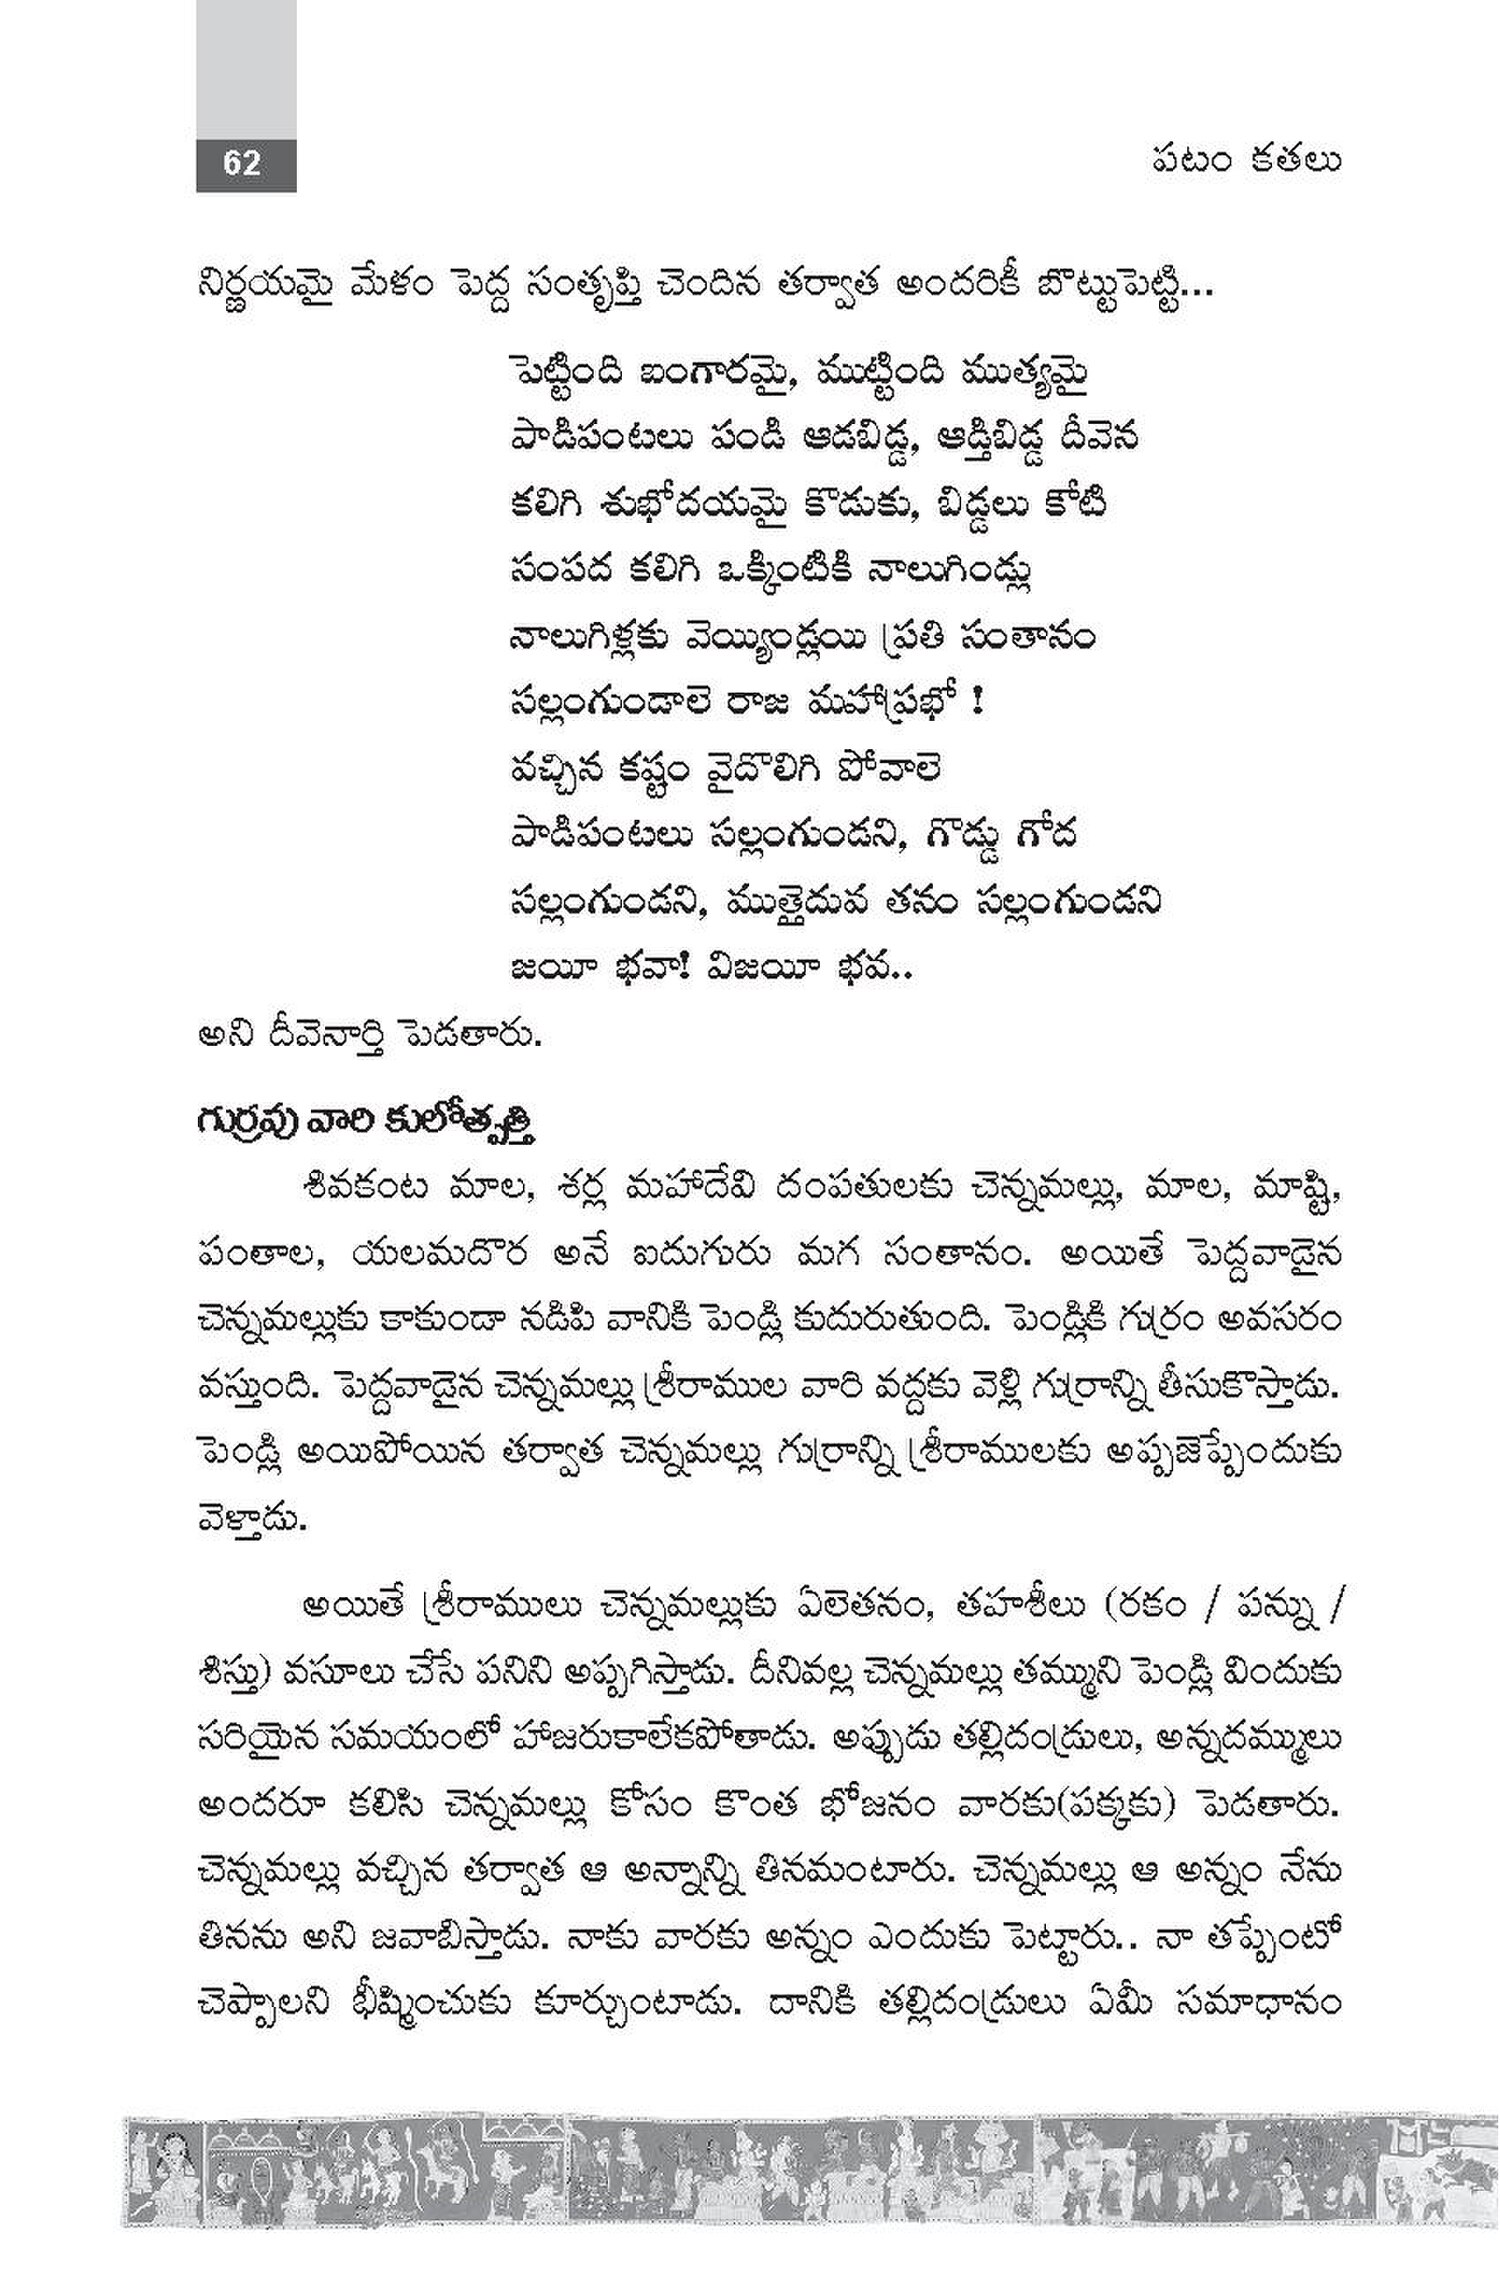నిర్ణయమై మేళం పెద్ద సంతృప్తి చెందిన తర్వాత అందరికీ బొట్టుపెట్టి...

పెట్టింది బంగారమై, ముట్టింది ముత్యమై
పాడిపంటలు పండి ఆడబిడ్డ, ఆడ్తిబిడ్డ దీవెన
కలిగి శుభోదయమై కొడుకు, బిడ్డలు కోటి
సంపద కలిగి ఒక్కింటికి నాలుగిండ్లు
నాలుగిళ్లకు వెయ్యిండ్లయి ప్రతి సంతానం
సల్లంగుండాలె రాజ మహాప్రభో !
వచ్చిన కష్టం వైదొలిగి పోవాలె
పాడిపంటలు సల్లంగుండని, గొడ్డు గోద
సల్లంగుందని, ముత్తైదువ తనం సల్లంగుండని
జయీ భవా! విజయీ భవ..

అని దీవెనార్తి పెడతారు.

గుర్రపు వారి కులోత్పత్తి 

శివకంట మాల, శర్ల మహాదేవి దంపతులకు చెన్నమల్లు, మాల, మాష్టి, పంతాల, యలమదొర అనే ఐదుగురు మగ సంతానం. అయితే పెద్దవాడైన చెన్నమల్లుకు కాకుండా నడిపి వానికి పెండ్లి కుదురుతుంది. పెండ్లికి గుర్రం అవసరం
వస్తుంది. పెద్దవాడైన చెన్నమల్లు శ్రీరాముల వారి వద్దకు వెళ్లి గుర్రాన్ని తీసుకొస్తాడు. పెండ్లి అయిపోయిన తర్వాత చెన్నమల్లు గుర్రాన్ని శ్రీరాములకు అప్పజెప్పేందుకు వెళ్తాడు.

అయితే శ్రీరాములు చెన్నమల్లుకు ఏలెతనం, తహశీలు (రకం / పన్ను /శిస్తు) వసూలు చేసే పనిని అప్పగిస్తాడు. దీనివల్ల చెన్నమల్లు తమ్ముని పెండ్లి విందుకు సరియైన సమయంలో హాజరుకాలేకపోతాడు. అప్పుడు తల్లిదండ్రులు, అన్నదమ్ములు అందరూ కలిసి చెన్నమల్లు కోసం కొంత భోజనం వారకు(పక్కకు) పెడతారు. చెన్నమల్లు వచ్చిన తర్వాత ఆ అన్నాన్ని తినమంటారు. చెన్నమల్లు ఆ అన్నం నేను తినను అని జవాబిస్తాడు. నాకు వారకు అన్నం ఎందుకు పెట్టారు.. నా తప్పేంటో చెప్పాలని భీష్మించుకు కూర్చుంటాడు. దానికి తల్లిదండ్రులు ఏమీ సమాధానం